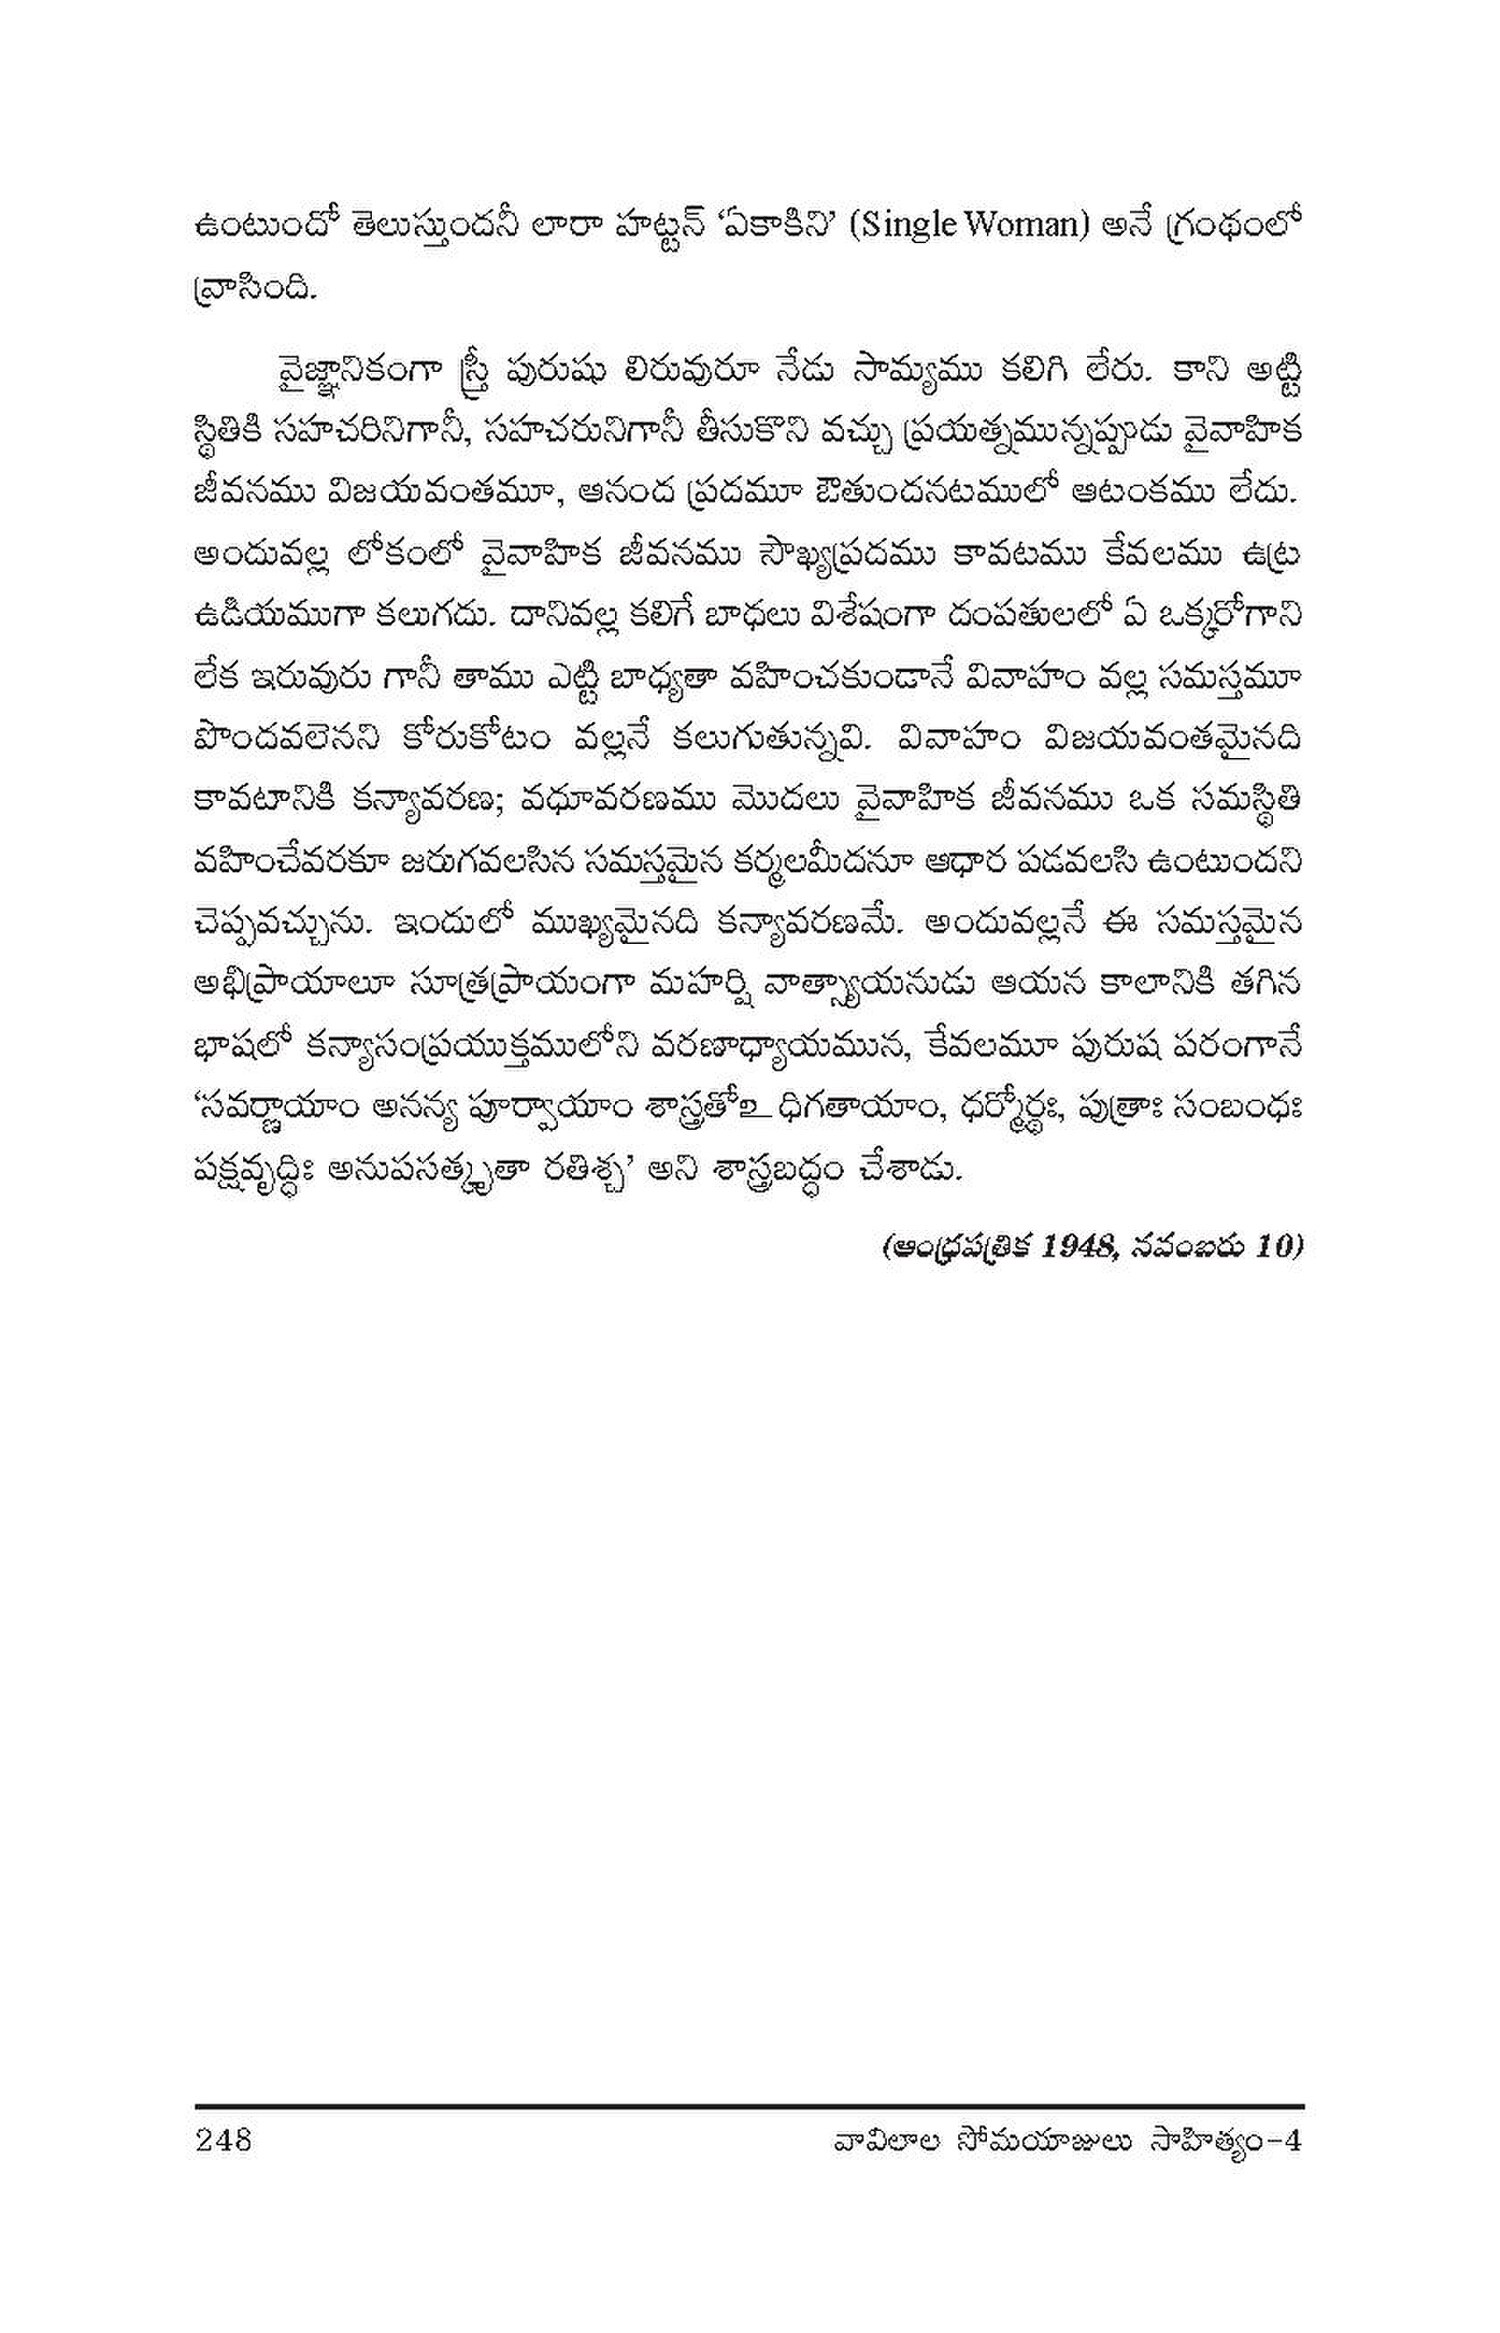ఉంటుందో తెలుస్తుందనీ లారా హట్టన్ 'ఏకాకిని' (Single Woman) అనే గ్రంథంలో
వ్రాసింది.

వైజ్ఞానికంగా స్త్రీ పురుషు లిరువురూ నేడు సామ్యము కలిగి లేరు. కాని అట్టి
స్థితికి సహచరినిగానీ, సహచరునిగానీ తీసుకొని వచ్చు ప్రయత్నమున్నప్పుడు వైవాహిక
జీవనము విజయవంతమూ, ఆనంద ప్రదమూ ఔతుందనటములో ఆటంకము లేదు.
అందువల్ల లోకంలో వైవాహిక జీవనము సౌఖ్యప్రదము కావటము కేవలము ఉట్ర
ఉడియముగా కలుగదు. దానివల్ల కలిగే బాధలు విశేషంగా దంపతులలో ఏ ఒక్కరోగాని
లేక ఇరువురు గానీ తాము ఎట్టి బాధ్యతా వహించకుండానే వివాహం వల్ల సమస్తమూ
పొందవలెనని కోరుకోటం వల్లనే కలుగుతున్నవి. వివాహం విజయవంతమైనది
కావటానికి కన్యావరణ; వధూవరణము మొదలు వైవాహిక జీవనము ఒక సమస్థితి
వహించేవరకూ జరుగవలసిన సమస్తమైన కర్మలమీదనూ ఆధార పడవలసి ఉంటుందని
చెప్పవచ్చును. ఇందులో ముఖ్యమైనది కన్యావరణమే. అందువల్లనే ఈ సమస్తమైన
అభిప్రాయాలూ సూత్రప్రాయంగా మహర్షి వాత్స్యాయనుడు ఆయన కాలానికి తగిన
భాషలో కన్యాసంప్రయుక్తములోని వరణాధ్యాయమున, కేవలమూ పురుష పరంగానే
'సవర్ణాయాం అనన్య పూర్వాయం శాస్త్రతో దిగతాయాం, ధర్మోర్థః, పుత్రాః సంబంధః
పక్షవృద్ధిః అనుపసత్కృతా రతిశ్చ' అని శాస్త్రబద్ధం చేశాడు.